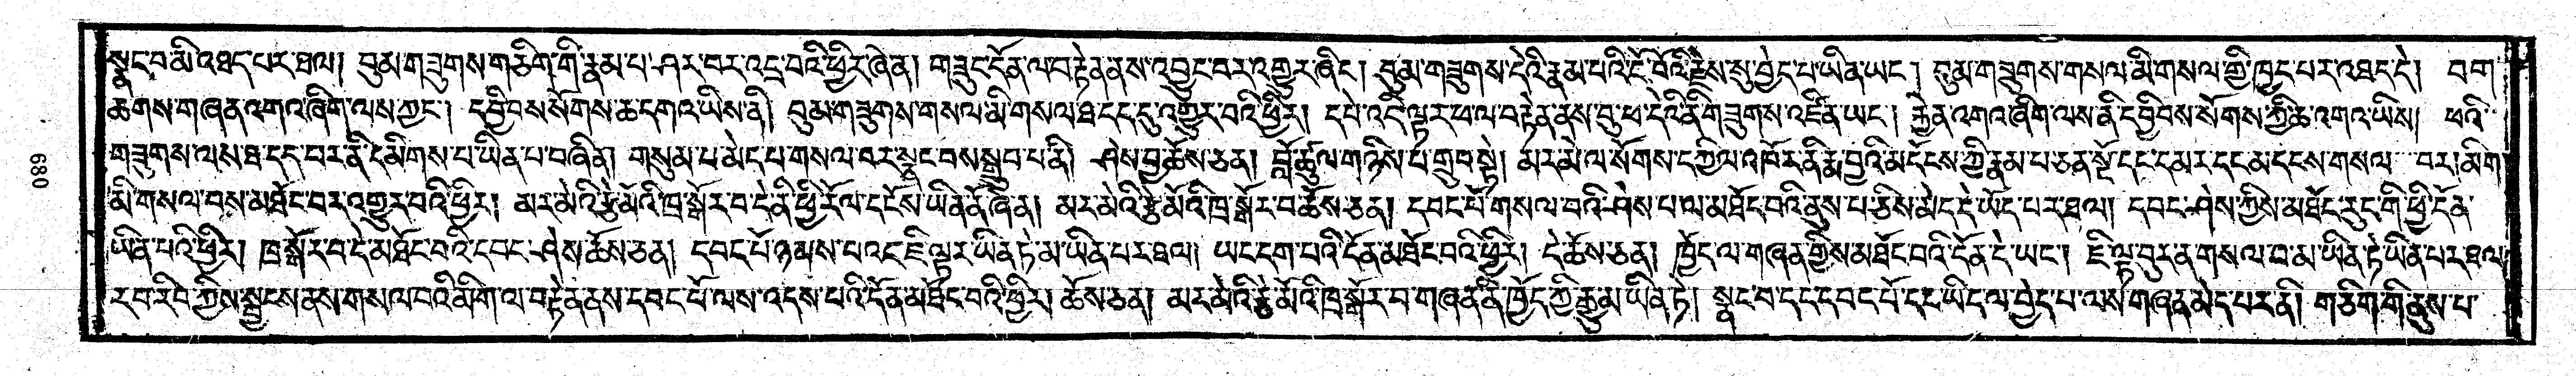སྣང་བ་མི་འཐད་པར་ཐལ། བུམ་གཟུགས་གཅིག་གི་རྣམ་པ་ཤར་བར་འདྲ་བའི་ཕྱིར་ཞེ་ན། གཟུང་དོན་ལ་བརྟེན་ནས་འབྱུང་བར་འགྱུར་ཞིང་། བུམ་གཟུགས་དེའི་རྣམ་པའི་ངོ་བོའི་རྗེས་སུ་བྱེད་པ་ཡིན་ཡང་། བུམ་གཟུགས་གསལ་མི་གསལ་གྱི་ཁྱད་པར་འཐད་དེ། བག་
ཆགས་གཞན་འགའ་ཞིག་ལས་ཀྱང་། དབྱིབས་སོགས་ཆ་དགའ་ཡིས་ནི། བུམ་གཟུགས་གསལ་མི་གསལ་ཐ་དད་དུ་འགྱུར་བའི་ཕྱིར། དཔེ་འདི་ལྟར་ཕ་ལ་བརྟེན་ནས་བུ་ཕ་དེའི་ནི་གཟུགས་འཛིན་ཡང་། རྐྱེན་འགའ་ཞིག་ལས་ནི་དབྱིགས་སོགས་ཀྱི་ཆ་འགའ་ཡིས། ཕའི་
གཟུགས་ལས་ཐ་དད་པར་ནི་དམིགས་པ་ཡིན་པ་བཞིན། གསུམ་པ་མེད་པ་གསལ་བར་སྣང་བས་སྒྲུབ་པ་ནི། ཤེས་བྱ་ཆོས་ཅན། བློ་ཚུལ་གཉིས་པ་གྲུབ་སྟེ། མར་མེ་ལ་སོགས་དཀྱིལ་འཁོར་ནི་རྨ་བྱའི་མདོངས་ཀྱི་རྣམ་པ་ཅན་སྔོ་དང་དམར་དང་མདངས་གསལ་བར། མིག་
མི་གསལ་བས་མཐོང་བར་འགྱུར་བའི་ཕྱིར། མར་མེའི་རྩེ་མོའི་ཁྲ་སྒོར་བ་དེ་ནི་ཕྱི་རོལ་དངོས་ཡིན་ནོ་ཞེ་ན། མར་མེའི་རྩེ་མོའི་ཁྲ་སྒོར་བ་ཆོས་ཅན། དབང་པོ་གསལ་བའི་ཤེས་པ་ལ་མཐོང་བའི་ནུས་པ་ཅིས་མེད་དེ་ཡོད་པར་ཐལ། དབང་ཤེས་ཀྱིས་མཐོང་རུང་གི་ཕྱི་དོན་
ཡིན་པའི་ཕྱིར། ཁྲ་སྒོར་བ་དེ་མཐོང་བའི་དབང་ཤེས་ཆོས་ཅན། དབང་པོ་ཉམས་པའང་ཇི་ལྟར་ཡིན་ཏེ་མ་ཡིན་པར་ཐལ། ཡང་དག་པའི་དོན་མཐོང་བའི་ཕྱིར། དེ་ཆོས་ཅན། ཁྱོད་ལ་གཞན་གྱིས་མཐོང་བའི་དོན་དེ་ཡང་། ཇི་ལྟ་བུར་ན་གསལ་བ་མ་ཡིན་ཏེ་ཡིན་པར་ཐལ་
རབ་རིབ་ཀྱིས་སྦྱངས་ནས་གསལ་བའི་མིག་ལ་བརྟེན་ནས་དབང་པོ་ལས་འདས་པའི་དོན་མཐོང་བའི་ཕྱིར། ཆོས་ཅན། མར་མེའི་རྩེ་མོའི་ཁྲ་སྒོར་བ་གཞན་ནི་ཁྱོད་ཀྱི་རྒྱུ་མ་ཡིན་ཏེ། སྣང་བ་དང་དབང་པོ་དང་ཡིད་ལ་བྱེད་པ་ལས་གཞན་མེད་པར་ནི། གཅིག་གི་ནུས་པ་